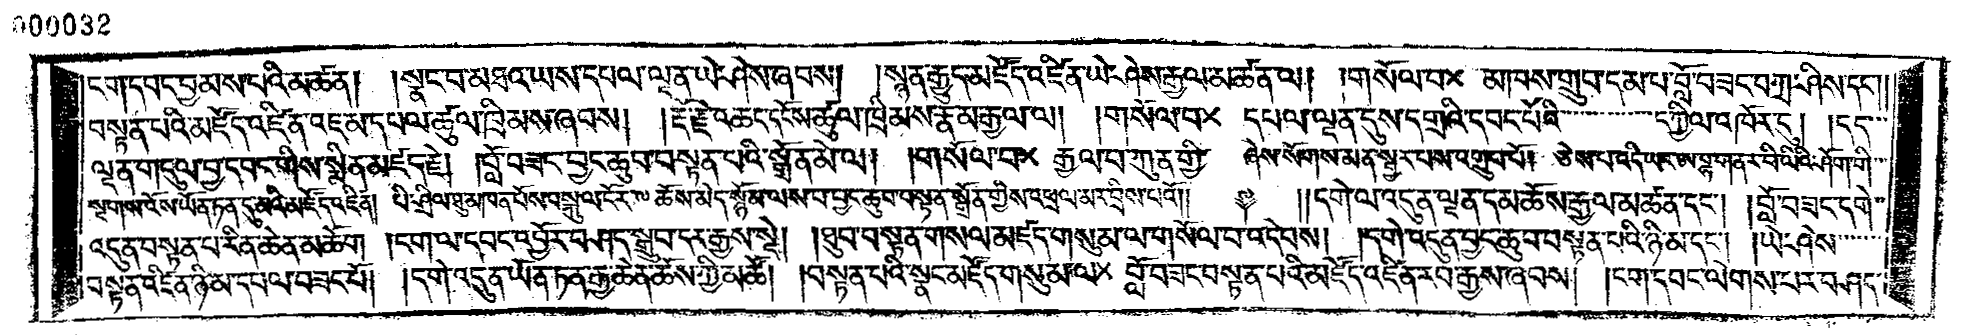ངག་དབང་བྱམས་པའི་མཚན། །སྣང་བ་མཐའ་ཡས་དཔལ་ལྡན་ཡེ་ཤེས་ཞབས། །སྙན་རྒྱུད་མཛོད་འཛིན་ཡེ་ཤེས་རྒྱལ་མཚན་ལ། །གསོལ་བ྾་མཁས་གྲུབ་དམ་པ་བློ་བཟང་བཀྲ་ཤིས་དང།།
བསྟན་པའི་མཛོད་འཛིན་འཇམ་དཔལ་ཚུལ་ཁྲིམས་ཞབས། །རྡོ་རྗེ་འཆང་དངོས་ཚུལ་ཁྲིམས་རྣམ་རྒྱལ་ལ། །གསོལ་བ྾་དཔལ་ལྡན་དུས་དགྲའི་དབང་པོའི་དཀྱིལ་འཁོར་དུ། །དད་
ལྡན་གདུལ་བྱ་དབང་གིས་སྨིན་མཛད་རྗེ། །བློ་བཟང་བྱང་ཆུབ་བསྟན་པའི་སྒྲོན་མེ་ལ། །གསོལ་བ྾་རྒྱལ་བ་ཀུན་གྱི་ཞེས་སོགས་མན་སྦྱར་པས་འགྲུབ་པོ། ཅེས་པ་འདི་ཡང་ཨ་བྷ་ག་ན་ར་བི་ལིའི་ཤོག་གི་
སྔགས་འོས་ཡོན་ཏན་དུ་མའི་མཛོད་འཛིན། པི་ཤྲིལ་ཐུ་མཁན་པོས་བསྐུལ་ངོར་༧་ཆོས་མེད་སྙོམ་ལས་པ་བྱང་ཆུབ་བསྟན་སྒྲོན་གྱིས་འཕྲལ་མར་བྲིས་པའོ།། ༈ །།དགེ་ལ་འདུན་ལྡན་དམ་ཆོས་རྒྱལ་མཚན་དང་། །བློ་བཟང་དགེ་
འདུན་བསྟན་པ་རིན་ཆེན་མཆོག །ངག་ལ་དབང་འབྱོར་བཤད་སྒྲུབ་དར་རྒྱས་སྡེ། །ཐུབ་བསྟན་གསལ་མཛད་གསུམ་ལ་གསོལ་བ་འདེབས། །དགེ་འདུན་བྱང་ཆུབ་བསྟན་པའི་ཉི་མ་དང་། །ཡེ་ཤེས་
བསྟན་འཛིན་ཉི་མ་དཔལ་བཟང་པོ། །དགེ་འདུན་ཡོན་ཏན་རྒྱ་ཆེན་ཆོས་ཀྱི་མཚོ། །བསྟན་པའི་སྣང་མཛོད་གསུམ་ལ྾་བློ་བཟང་བསྟན་པའི་མཛོད་འཛིན་རབ་རྒྱས་ཞབས། །ངག་དབང་ལེགས་པར་བཤད་